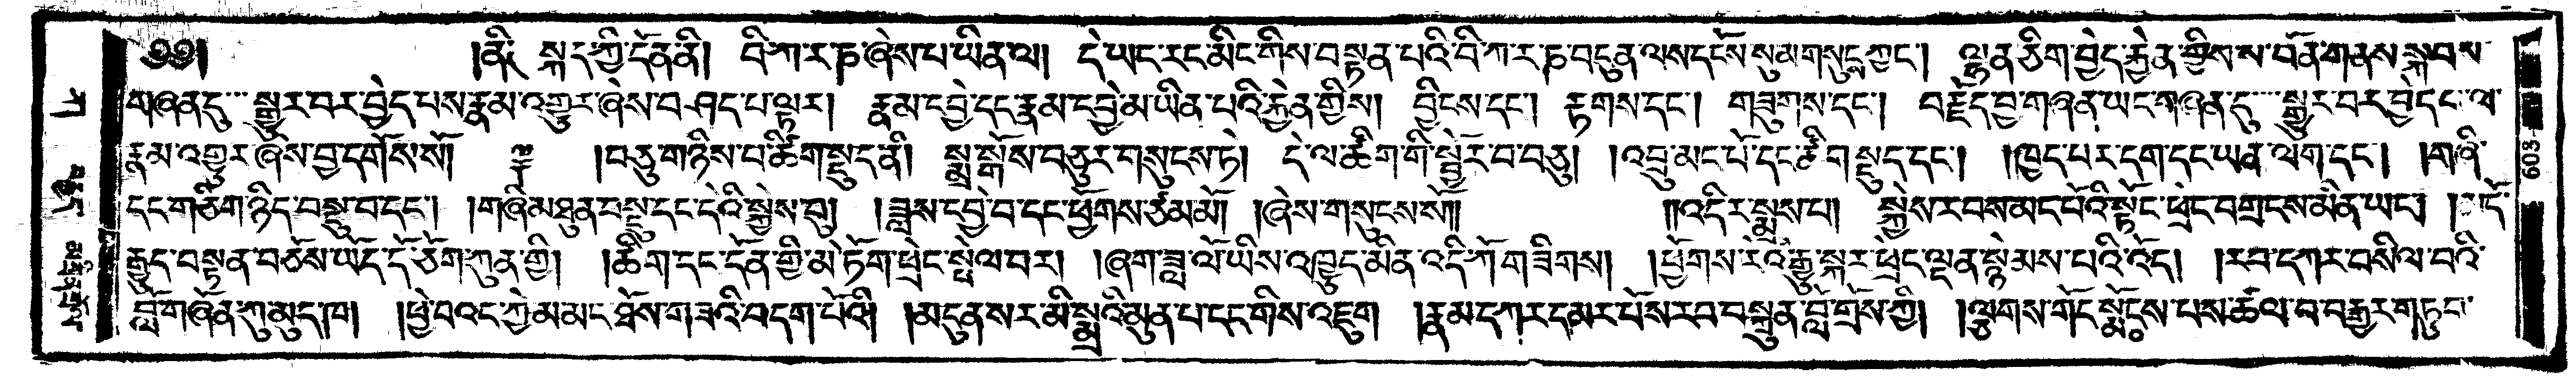༄༅། །ནི། སྐད་ཀྱི་དོན་ནི། བི་ཀ་ར་ཎ་ཞེས་པ་ཡིན་ལ། དེ་ཡང་རང་མིང་གིས་བསྟན་པའི་བི་ཀ་ར་ཎཱ་བདུན་ལས་དངོས་སུམ་གསུང་ཀྱང་། ལྷན་ཅིག་བྱེད་རྐྱེན་གྱིས་ས་བོན་གནས་སྐབས་
གཞན་དུ་སྒྱུར་བར་བྱེད་པས་རྣམ་འགྱུར་ཞེས་བཤད་པ་ལྟར། རྣམ་དབྱེ་དང་རྣམ་དབྱེ་མ་ཡིན་པའི་རྐྱེན་གྱིས། བྱིངས་དང་། རྟགས་དང་། གཟུགས་དང་། བརྗོད་བྱ་གཞན་ཡང་གཞན་དུ་སྒྱུར་བར་བྱེ་དང་ལ།
རྣམ་འགྱུར་ཞེས་བྱ་དགོས་སོ། ༈ །བཅུ་གཉིས་པ་ཚིག་སྡུད་ནི། སྨྲ་སྒོས་བཅུར་གསུངས་ཏེ། དེ་ལ་ཚིག་གི་སྦྱོར་བ་བཅུ། །འབྲུ་མང་པོ་དང་ཚིག་སྡུད་དང་། །ཁྱད་པར་དག་དང་ཡན་ལག་དང་། །གཞི་
དང་གཅིག་ཉིད་བསྡུ་བ་དང་། །གཞི་མཐུན་བསྡུ་དང་དེའི་སྐྱེས་བུ། །ཟླས་དབྱེ་བ་དང་ཕྱོགས་ཙམ་མོ། །ཞེས་གསུངས་སོ།། །།འདིར་སྨྲས་པ། སྐྱེས་རབས་མང་པོའི་སྟོང་ཕྲེང་བགྲངས་མིན་ཡང་། །འདོ་
རྒྱུད་བསྟན་བཅོས་ཡོད་དོ་ཅོག་ཀུན་གྱི། །ཚིག་དང་དོན་གྱི་མེ་ཏོག་ཕྲེང་སྤེལ་བར། །ཞག་ཟླ་ལོ་ཡིས་འཁྱུད་མིན་འདི་ཀོ་གཟིགས། །ཕྱོགས་རེའི་རྒྱུ་སྐར་ཕྲེང་ལྡན་སྙེམས་པའི་འོད། །རབ་དཀར་བསིལ་བའི་
བློ་གཞོན་ཀུ་མུད་ཁ། །ཕྱེ་བཱང་ཀྱེ་མ་མང་ཐོས་གཟའི་བདག་པོའི། །མདུན་སར་མི་སྨྲའི་མུན་པ་དང་གིས་འཇུག། །རྣམ་དཀར་དམར་པོས་རབ་བསྐྲུན་བློ་གྲོས་ཀྱི། །ལྕགས་སྨོངས་པས་ཚལ་བ་བརྒྱར་གཏུང་།